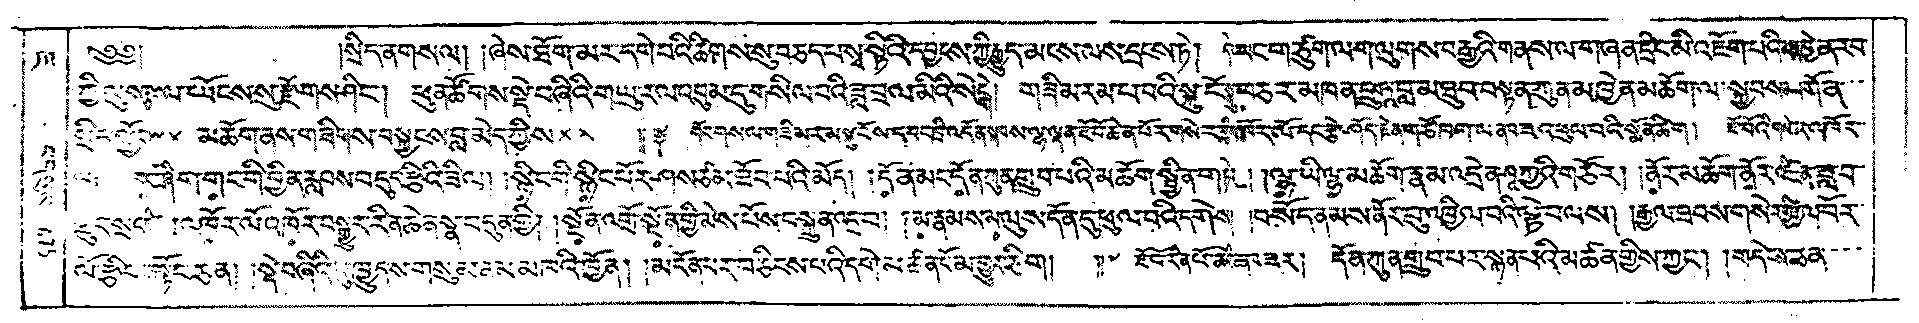༄༅། །སྲིད་ན་གསལ། །ཞེས་ཐོག་མར་དགེ་བའི་ཚིགས་སུ་བཅད་པ་སྭ་སྟིའི་དབྱངས་ཀྱི་རྒྱུད་མངས་ལས་དྲངས་ཏེ། དེ་ཡང་གཙུག་ལག་ལུགས་བརྒྱའི་གནས་ལ་གཞན་དྲང་མི་འཇོག་པའི་མཁྱེན་རབ་
ཀྱི་ལུས་རྩལ་ཡོངས་སུ་རྫོགས་ཤིང་། ཕུན་ཚོགས་སྡེ་བཞིའི་གཡུ་རལ་འབུམ་དུ་གསིལ་བའི་ཟླ་བྲལ་མིའི་སེངྒེ། གཟིམ་རམ་པ་བའི་སྐུ་ངོ་སྐུ་བཅར་མཁན་དྲུང་ཏཱ་བླ་མ་ཐུབ་བསྟན་ཀུན་མཁྱེན་མཆོག་ལ་༧སྐྱབས་མགོན་
སྲིད་སྐྱོང་྾་྾་མཆོག་ནས་གཟིགས་བསྐྱངས་བླ་མེད་ཀྱིས་྾་྾།།༈ གོང་གསལ་གཟིམ་ར་མ་སྐུ་ངོས་དབང་ཁྲི་འདོན་སྐབས་ལྷ་ལྡན་ཇོ་བོ་ཆེན་པོར་གསེར་གྱི་འཁོར་ལོ་དང་རྩེ་ཤོད་རྟེན་གཙོ་ཁག་ལན་བཟའ་ཕུལ་བའི་སྨོན་ཚིག ། ༧་ཇོ་བོའི་གསེར་འཁོར་
ལ༑ གང྾་ཞིག་གང྾་གི་བྱིན་རླབས་བདུད་རྩིའི་ཟིལ། །སྙིང྾་གི་སྙིང྾་པོར་ཤས་ཙམ་ཐོབ་པའི་མོད། །དོན྾་མང་དོན྾་ཀུན་གྲུབ་པའི་མཆོག་སྦྱིན་གཏེར། །ལྷ྾་ཡི་ལྷ྾་མཆོག་རྣམ་འདྲེན་ཤཱཀྱའི་གཙོར། །ནོར྾་མཆོག་ནོར྾་འཛིན་ཟླ་བ་
ཐུར་སྲང་གི །འཁོར྾་ལོ་འཁོར྾་བསྒྱུར་རིན་ཆེན་སྣ་བདུན་གྱི། །སྔོན྾་འགྲོ་སྔོན྾་གྱི་མེས་པོས་བསྐྲུན་འདྲ་བ། །མ྾་རྣམས་མ྾་ལུས་དོན་དུ་ཕུལ་བའི་དགེས། །བསོད་ནམས་ནོར་བུ་འཁྱིལ་བའི་ལྟེ་བ་ལས། །རྒྱལ་ཐབས་གསེར་གྱི་འཁོར་
ལོ་རྩིབས་སྟོང་ཅན། །སྡེ་བཞིའི་མུ་ཁྱུད་ས་གསུམ་ནམ་མཁའི་ཁྱོན། །མངོན་པར་བཅིངས་པའི་དགེ་མཚན་ངོམ་གྱུར་ཅིག ། །།༧་ཇོ་བོ་རིན་པོ་ཆེའི་ན་བཟར།  དོན་ཀུན་གྲུབ་པར་སྙན་པའི་མཚན་གྱིས་ཀྱང་། །གདེངས་ཅན་